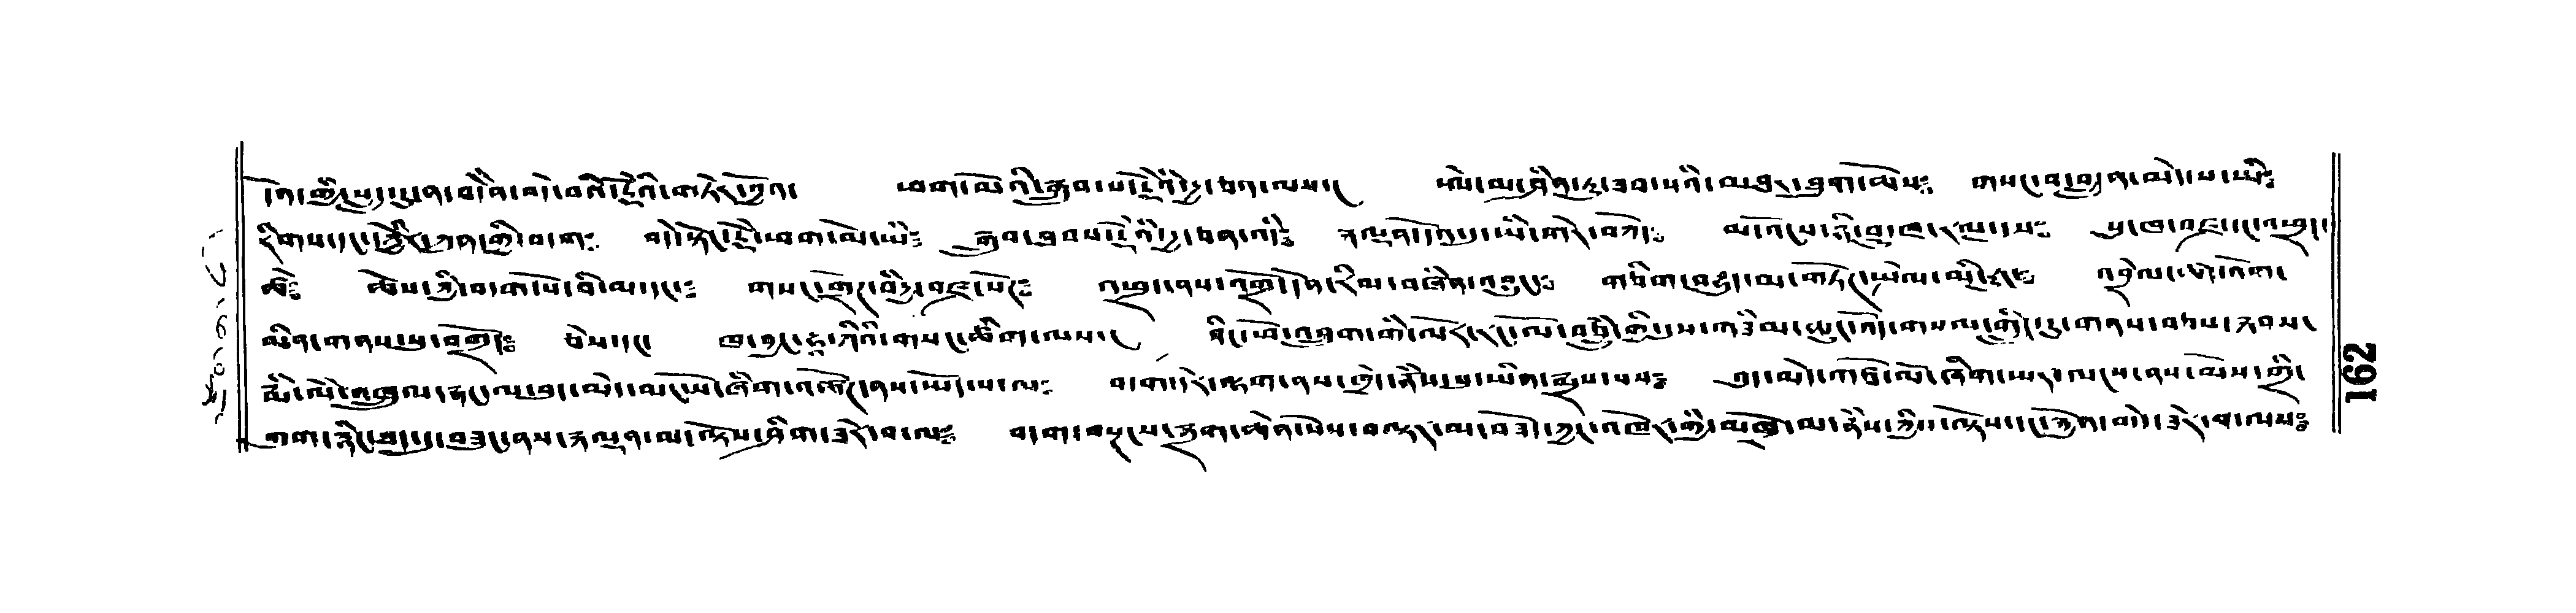དོན་གྱི་སླད་དུ་སྨོས་ན་བདེ་ཆེན་བདེ་བའི་རྡོ་རྗེའི་གཏེར་བྱོན། ཕག་མོའི་སྒྲུབ་པ་རྡོ་རྗེའི་རྒྱ་ཅན་ལས། ཨེ་མ༔ཤིན་ཏུ་ཟབ་པའི་མཐར་ཐུག་ཆོས༔ གསང་བ་བླ་ན་མེད་པ་ཡི༔ 
རིགས་དང་དཀྱིལ་འཁོར་ཀུན་གྱི་བདག༔ བདེ་སྟོང་རྡོ་རྗེ་ཕག་མོ་ཡི༔ སྒྲུབ་ཐབས་རྡོ་རྗེའི་རྒྱ་ཅན་འདི༔ སྐལ་ལྡན་དོན་དུ་ཡི་གེར་བཀོད༔མ་འོངས་ཉི་ཤུ་ཁ་རལ་དུས༔ སུ་ཁ་བཛྲ་དང་ཕྲད་
ཚེ༔ ཆོས་ཀྱི་བདག་པོ་བཱི་མ་དང༔ གསང་གྲོགས་བིདྱ་བཛྲ་སོགས༔ ཕྲད་ནས་འགྲོ་དོན་རིམ་བཞིན་འབྱུང༔ གཅིག་བརྒྱུད་མ་གཏོགས་སྤེལ་མི་རུང༔ འབྲེལ་ཚད་འོག་
མིན་གནས་སུ་བགྲོད༔ ཅེས་དང་། ཁ་བྱང་ཌཱ་ཀིའི་གསང་ཚིག་ལས། ཤིང་ཕོ་འབྲུག་གི་ལོར་རང་ལོ་བཅུ་གསུམ་གྱི་དུས་གཟིམ་ཆུང་འོད་གསལ་གླིང་དུ་གནས་བཅས་སྐབས་
རྨི་ལམ་འཁྲུལ་སྣང་ལ་བུད་མེད་མང་པོ་ཞིག་འཚོགས་ནས་ཡོད་པ་ལ༔ བདག་དེར་ལྷགས་ནས་ཁྱེད་རྣམས་སུ་ཡིན་སྨྲས་པས༔ བུད་མེད་གཙོ་མོ་ཞིག་ཡར་ལངས་ནས་མོས་གྲི་
གུག་སྙིང་ཐད་དུ་བཟུང་ནས་སྐལ་ལྡན་མ་ལྟོས་ཤིག་ཟེར་བ་ལ༔ བདག་བསྔངས་སྐྲག་ཆེན་པོས་བལྟར་མ་བཟོད་ཀྱང་འཁོར་གྱི་མཁའ་འགྲོ་མ་རྣམས་ཀྱིས་ལྟོས་དང་སྐྱོན་མེད་ཟེར་བ་ལས༔